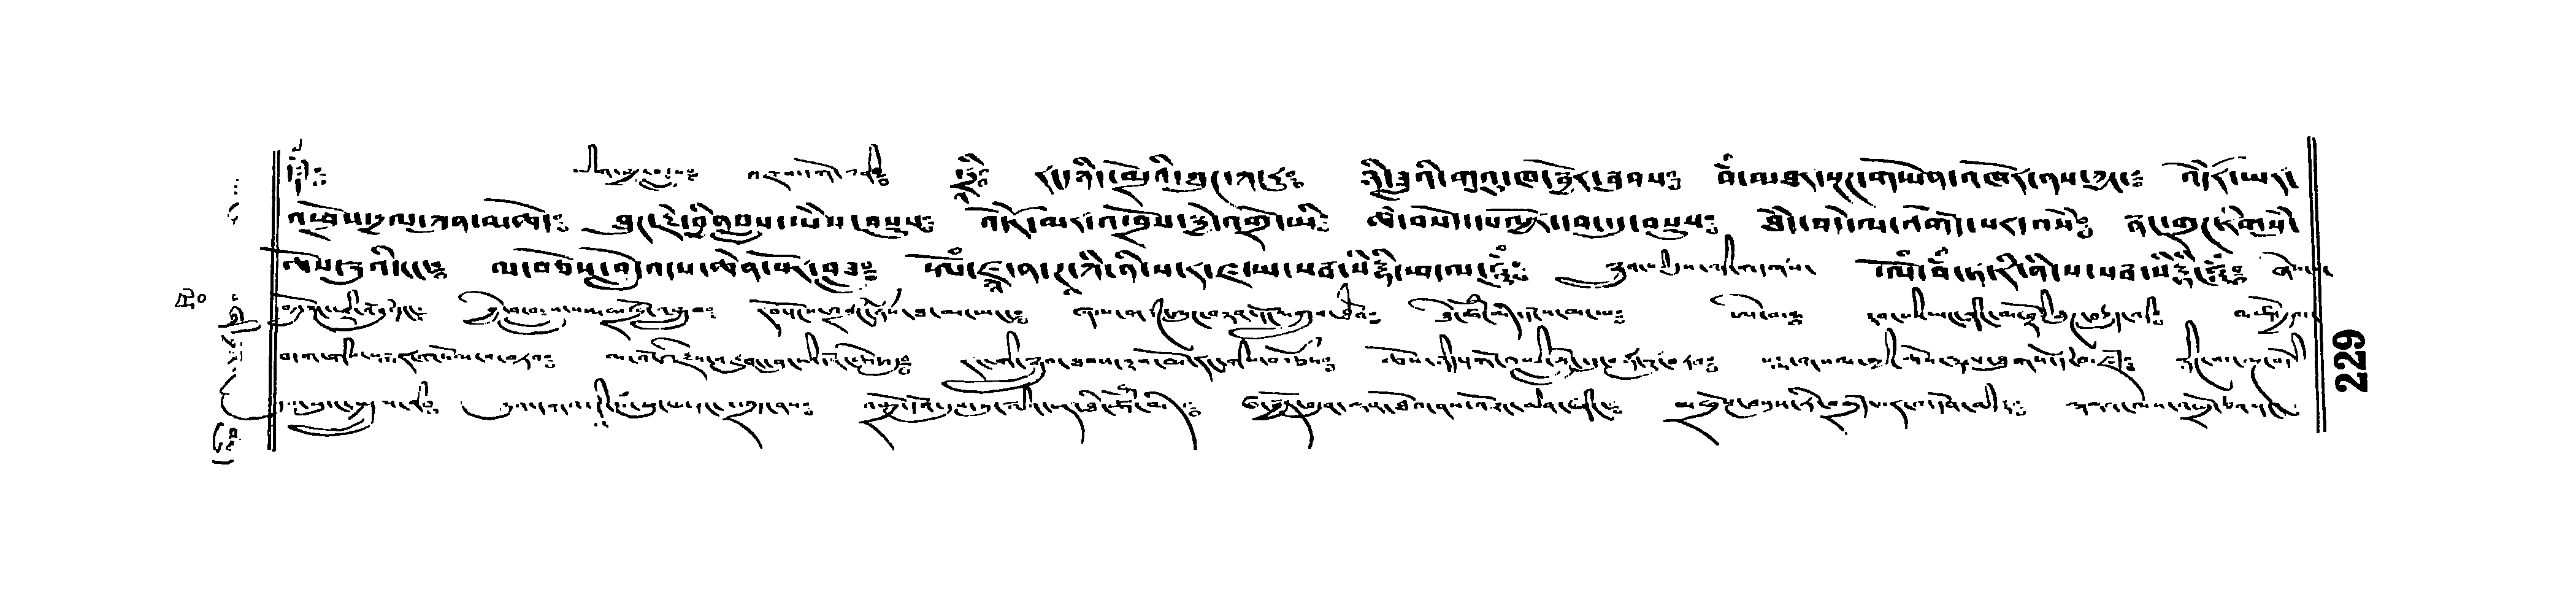ཡིག་བརྒྱ་བཟླ༔ འཛབ་དགོངས་ནི༔ ཧྲཱིཿ རང་ཉིད་མཁའ་འགྲོའི་ཐུགས་ཀ་རུ༔ ཉི་ཟླའི་གྭའུ་ཁ་སྦྱོར་སྦུབས༔ བྃ་མཐར་སྔགས་གཡོན་འཁོར་ནས་ཀྱང༔ འོད་ཟེར་ཡར་
འཕྲོས་རྒྱལ་ཀུན་མཆོད༔ ཐུགས་རྗེ་བྱིན་རླབས་ཡེ་ཤེས་བསྡུ༔ཐམས་ཅད་བདེ་ལ་འགོད་པར་བསམ༔ སྣང་གྲགས་རིག་གསུམ་
ཆོས་སྐུའི་ངང༔ མ་བཅོས་བློ་འདས་ཆེན་པོར་བཟླ༔ ཨོཾ་ཛྙཱ་ན་ཌཱ་ཀི་ནི་ས་ར་ཛ་ཡ་སརྦ་སིདྡྷི་ཕ་ལ་ཧཱུྃ༔ སྒྲུབ་པའི་དུས་འདི་གདགས༔ ཨོཾ་བྃ་ཧ་རི་ནི་ས་སརྦ་སིདྡྷི་ཧཱུྃ༔ ཞེས་
བརྒྱ་སྟོང་ཁྲི་འབུམ་དང༔ བྱེ་བ་བཟླས་པས་མཁའ་འགྲོ་འགྲུབ༔ རབ་དངོས་འབྲིང་ཉམས་ཐ་མ་ཡང༔ ཞལ་གཟིགས་ལུང་བསྟན་དངོས་གྲུབ་ཐོབ༔ ཐེ་ཚོམ་མེད་དོ་ས་མ་ཡ༔ ཨེ་མ༔ ཟབ་པའི་ཡང་སྙིང་མཁའ་འགྲོའི་ཐུགས་བཅུད་འདི༔ མཚོ་རྒྱལ་
བདག་གིས་པདྨར་གསོལ་བ་བཏབ༔ མ་འོངས་རྗེས་འཇུག་བུ་ཡི་དོན་ཆེད་དུ༔ རང་གི་སྒྲུབ་ཐབས་ཟབ་མོ་རང་གིས་བརྩམས༔ ཆོས་ཉིད་དགོངས་པའི་ཀློང་དུ་བརྡ་རུ་བཏབ༔ པདྨ་གསལ་གྱི་ཆོས་སྐལ་ཐུགས་དམ་མཛོད༔ སྙིགས་མ་ལྔ་བདོའི་
དུས་སུ་ང་སྤྲུལ་ནི༔ ཀུན་དགའ་དཱི་པམ་སུ་ཁ་དང་འཕྲད་ནས༔ འགྲོ་དོན་དུས་སུ་སྨིན་པར་ཐེ་ཚོམ་མེད༔ ཁ་སྦྱོར་བདུན་ལྡན་ཐོབ་ནས་འོག་མིན་ཞིང༔ མཁའ་འགྲོས་བསུས་ཏེ་བགྲོད་པར་གདོན་མི་ཟཿ སྐལ་ལྡན་ལས་འཕྲོ་ཅན་དང་